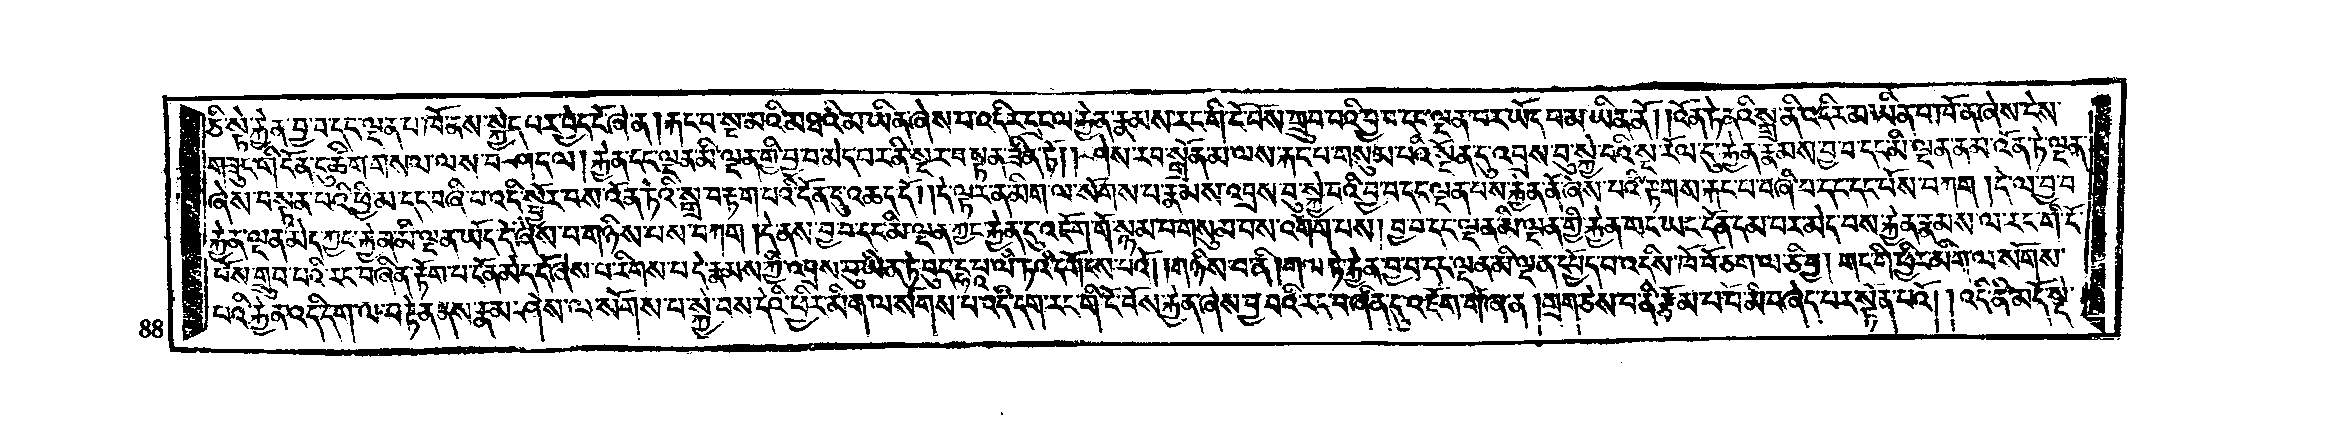ཅི་སྟེ་རྐྱེན་བྱ་བ་དང་ལྡན་པ་ཁོ་ནས་སྐྱེད་པར་བྱེད་དོ་ཞེ་ན། རྐང་པ་སྔ་མའི་མཐའི་མ་ཡིན་ཞེས་པ་འདིར་དྲང་ལ་རྐྱེན་རྣམས་རང་གི་ངོ་བོས་གྲུབ་པའི་བྱ་བ་དང་ལྡན་པར་ཡོད་པ་མ་ཡིན་ནོ། །འོན་ཏེ་ནའི་སྒྲ་ནི་འདིར་མ་ཡིན་པ་ཁོ་ན་ཞེས་ངེས་
གཟུང་གི་དོན་དུ་ཚིག་གསལ་ལས་བཤད་ལ། རྐྱེན་དང་ལྡན་མི་ལྡན་གྱི་བྱ་བ་མེད་པར་ནི་སྔར་བསྟན་ཟིན་ཏོ། །ཤེས་རབ་སྒྲོན་མ་ལས་རྐང་པ་གསུམ་པའི་སྔོན་དུ་འབྲས་བུ་སྐྱེ་བའི་སྔ་རོལ་དུ་རྐྱེན་རྣམས་བྱ་བ་དང་མི་ལྡན་ནམ་འོན་ཏེ་ལྡན་
ཞེས་བསྟན་པའི་ཕྱི་མ་དང་བཞི་པ་འདི་སྦྱོར་བས་འོན་ཏེའི་སྒྲ་བརྟག་པའི་དོན་དུ་འཆད་དོ། །དེ་ལྟ་ན་མིག་ལ་སོགས་པ་རྣམས་འབྲས་བུ་སྐྱེ་བའི་བྱ་བ་དང་ལྡན་པས་རྐྱེན་ནོ་ཞེས་པའི་རྟགས་རྐང་པ་བཞི་པ་དང་དང་པོས་བཀག། དེ་ལ་བྱ་བ་
རྐྱེན་ལྡན་མེད་ཀྱང་རྐྱེན་མི་ལྡན་ཡོད་དེ་ཞེས་པ་གཉིས་པས་བཀག །དེ་ནས་བྱ་བ་དང་མི་ལྡན་ཀྱང་རྐྱེན་དུ་འཇོག་གོ་སྙམ་པ་གསུམ་པས་འགོག་པས། །བྱ་བ་དང་ལྡན་མི་ལྡན་གྱི་རྐྱེན་གང་ཡང་དོན་དམ་པར་མད་པས་རྐྱེན་རྣམས་ལ་རང་གི་ངོ་
བོས་གྲུབ་པའི་རང་བཞིན་རྟོག་པ་དོན་མེད་དོ་ཞེས་པ་རིགས་པ་དེ་རྣམས་ཀྱི་འབྲས་བུ་ཡིན་ཏེ་བུད་དྷ་པཱ་ལི་ཏའི་དགོངས་པའོ། །གཉིས་པ་ནི། གལ་ཏེ་རྐྱེན་བྱ་བ་དང་ལྡན་མི་ལྡན་དཔྱོད་པ་འདིས་ཁོ་བོ་ཅག་ལ་ཅི་བྱ། གང་གི་ཕྱིར་མིག་ལ་སོགས་
པའི་རྐྱེན་འདི་དག་ལ་བརྟེན་ནས་རྣམ་ཤེས་ལ་སོགས་པ་སྐྱེ་བས་དེའི་ཕྱིར་མིག་ལ་སོགས་པ་འདི་དག་རང་གི་ངོ་བོས་རྐྱེན་ཞེས་བྱ་བའི་རང་བཞིན་དུ་འཇོག་གོ་ཞེ་ན། གྲག་ཅེས་པ་ནི་རྩོམ་པ་པོ་མི་བཞེད་པར་སྟོན་པའོ། །འདི་ནི་མདོ་སྡེ་